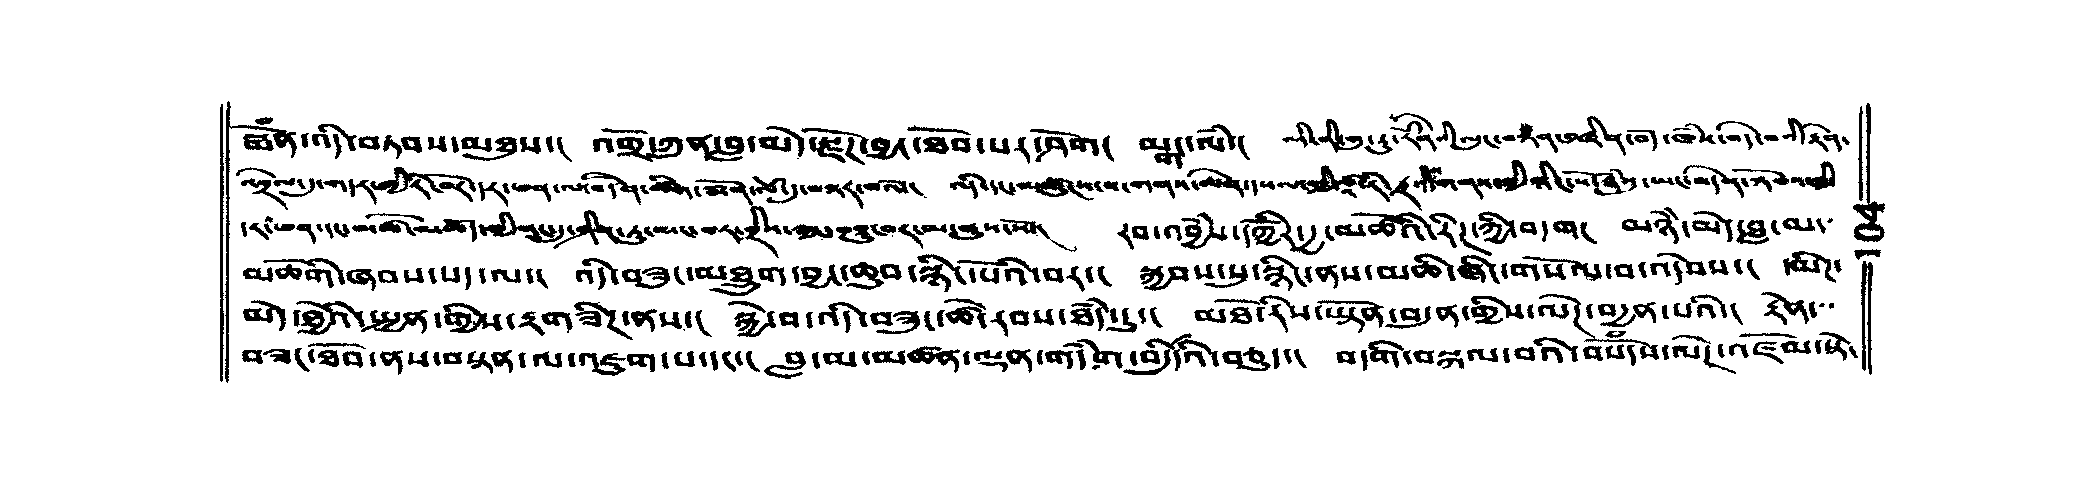སྨོན་ལམ་འདི་བཏབ་མཐུས། །འགྲོ་ཀུན་བླ་མེད་རྫོགས་བྱང་ཐོབ་པར་ཤོག། མངྒ་ལཾ།། འདི་ནི་གུ་རུ་རིན་པོ་ཆེའི་ལུང་བསྟན་བཞིན་བོད་ཁམས་བདེ་བའི་རྟེན་
འབྲེལ་དུ་དར་གྱི་རི་བོར་དར་འཕན་ལ་བདེན་ཚིག་སྨོན་ལམ་དུ་བསྟར་བའོ།། འདི་དང་མཚུངས་པ་གནས་ཆེན་དཔལ་གྱི་ཙཱ་རི་ཏྲའི་ས་གནད་ཀྱི་སྙིང་པོ་རྣམས་སུ་ཡང་བདེན་སྟོབས་ཀྱི་
དར་འཕན་དང་མཚོ་མཆོད་ཀྱི་ནང་དུ་ཤིན་ཏུ་མང་བར་བྲིས་ཀྱང་བཤུ་བར་མ་ནུས་སོ།། རབ་འབྱམས་དཀྱིལ་འཁོར་རྒྱ་མཚོའི་རིགས་ཀྱི་བདག །མཉམ་མེད་བླ་མ་
མཆོག་གི་ཞབས་པད་ལ། །འདི་བཟུང་མཐར་ཐུག་བྱང་ཆུབ་སྙིང་པོའི་བར། །སྐྱབས་སུ་སྙིང་ནས་མཆི་ཞིང་གསོལ་བ་འདེབས། །དམིགས་
མེད་ཐུགས་རྗེའི་སྤྱན་གྱིས་རྟག་གཟིགས་ནས། །སྐྱེ་བ་འདི་བཟུང་ཚེ་རབས་ཐམས་ཅད་དུ། །མཐོ་རིས་ཡོན་ཏན་བདུན་གྱིས་ལེགས་བརྒྱན་པའི། །རྟེན་
བཟང་ཐོབ་ནས་བསྟན་ལ་འཇུག་པ་དང་། །བླ་མ་མཚན་ལྡན་གདམས་ངག་བདུད་རྩིའི་བཅུད། །བདག་གི་བསྐལ་བའི་བསོད་ནམས་ལེགས་འཛོམ་སྟེ།